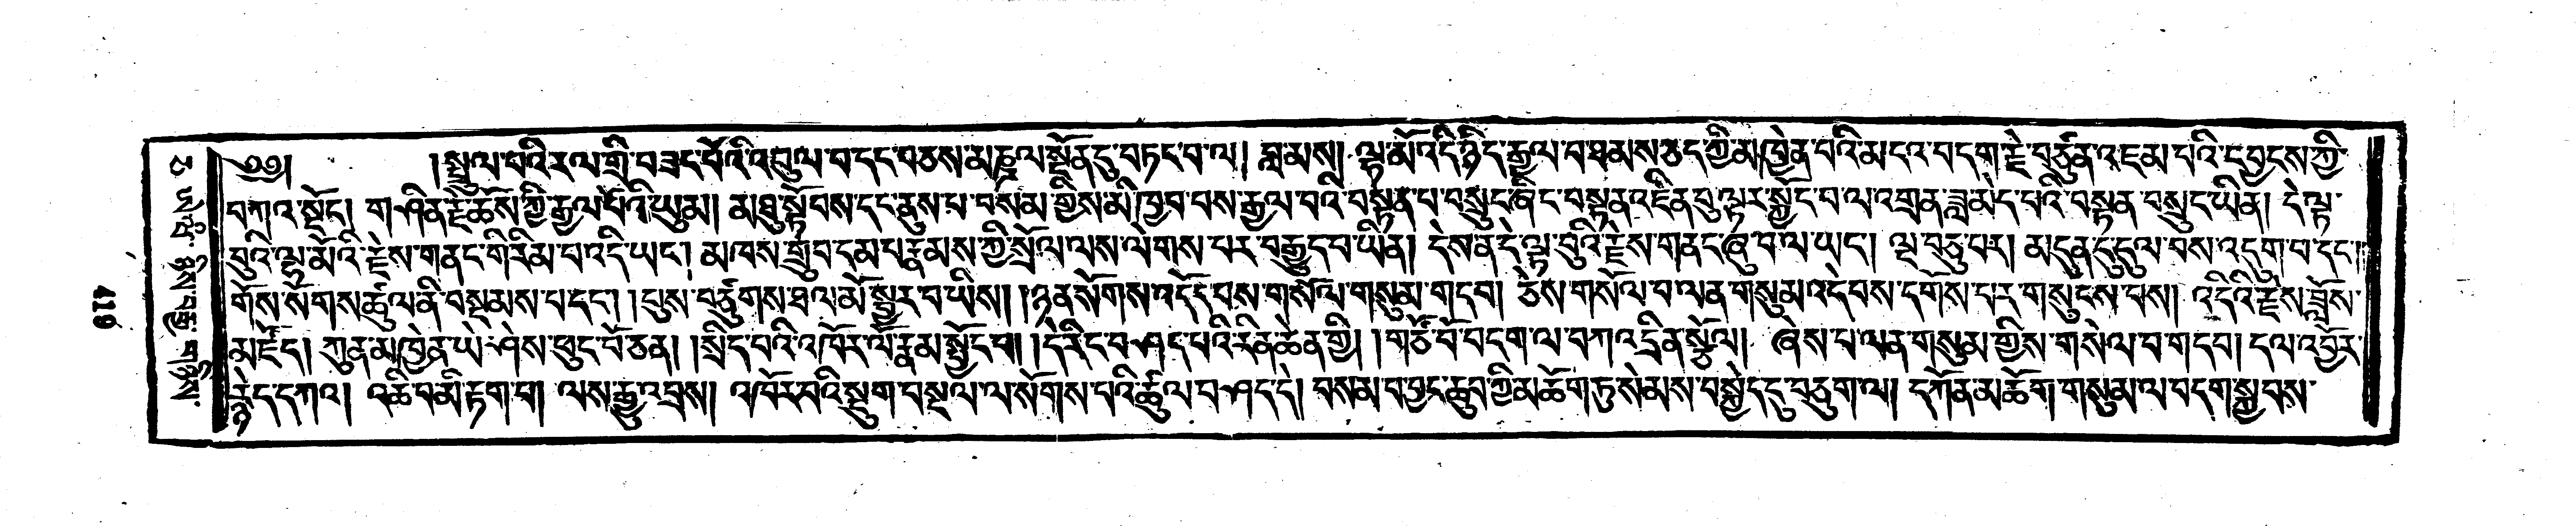༄༅། །སྤྲུལ་པའི་རལ་གྲི་བཟང་པོའི་འབུལ་བ་དང་བཅས་མཎྜལ་སྔོན་དུ་བཏང་བ་ལ། བླ་མས། ལྷ་མོ་འདི་ཉིད་རྒྱལ་བ་ཐམས་ཅད་ཀྱི་མཁྱེན་པའི་མངའ་བདག་རྗེ་བཙུན་འཇམ་པའི་དབྱངས་ཀྱི་
བཀའ་སྡོད། གཤིན་རྗེ་ཆོས་ཀྱི་རྒྱལ་པོའི་ཡུམ། མཐུ་སྟོབས་དང་ནུས་པ་བསམ་གྱིས་མི་ཁྱབ་པས་རྒྱལ་བའི་བསྟན་པ་བསྲུང་ཞིང་བསྟན་འཛིན་བུ་ལྟར་སྐྱོང་བ་ལ་འགྲན་ཟླ་མེད་པའི་བསྟན་བསྲུང་ཡིན། དེ་ལྟ་
བུའི་ལྷ་མོའི་རྗེས་གནང་གི་རིམ་པ་འདི་ཡང་། མཁས་གྲུབ་དམ་པ་རྣམས་ཀྱི་སྲོལ་ལས་ལེགས་པར་བརྒྱུད་པ་ཡིན། དེས་ན་དེ་ལྟ་བུའི་རྗེས་གནང་ཞུ་བ་ལ་ཡང་། ལྔ་བཅུ་པར། མདུན་དུ་དུལ་བས་འདུག་པ་དང་།
གོས་སོགས་ཚུལ་ནི་བསྡམས་པ་དང་། །པུས་བཙུགས་ཐལ་མོ་སྦྱར་བ་ཡིས། །ཉན་སོགས་འདོད་པས་གསོལ་གསུམ་གདབ། ཅེས་གསོལ་བ་ལན་གསུམ་འདེབས་དགོས་པར་གསུངས་པས། འདིའི་རྗེས་ཟློས་
མཛོད། ཀུན་མཁྱེན་ཡེ་ཤེས་ཕུང་པོ་ཅན། །སྲིད་པའི་འཁོར་ལོ་རྣམ་སྦྱོང་བ། །དེ་རིང་བཤད་པའི་རིན་ཆེན་གྱི། །གཙོ་བོ་བདག་ལ་བཀའ་དྲིན་སྩོལ། ཞེས་པ་ལན་གསུམ་གྱིས་གསོལ་བ་གདབ། དལ་འབྱོར་
རྙེད་དཀའ། འཆི་བ་མི་རྟག་པ། ལས་རྒྱུ་འབྲས། འཁོར་བའི་སྡུག་བསྔལ་ལ་སོགས་པའི་ཚུལ་བཤད་དེ། བསམ་པ་བྱང་ཆུབ་ཀྱི་མཆོག་ཏུ་སེམས་བསྐྱེད་དུ་བཅུག་ལ། དཀོན་མཆོག་གསུམ་ལ་བདག་སྐྱབས་